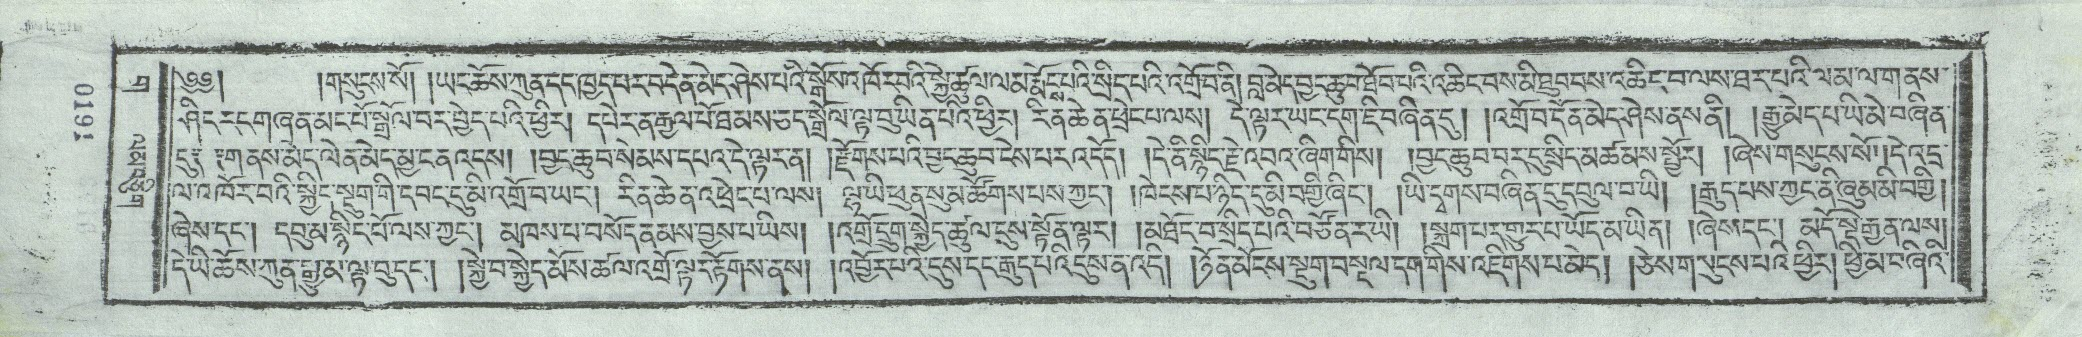༄༅། །གསུངས་སོ། །ཡང་ཆོས་ཀུན་དང་ཁྱད་པར་བདེན་མེད་ཤེས་པའི་སྒོས་འཁོར་བའི་སྐྱེ་ཚུལ་ལམ་རྨོངས་པའི་སྲིད་པའི་འགྲོ་བ་ནི། བླ་མེད་བྱང་ཆུབ་ཐོབ་པའི་འཆིང་བས་མི་ཐུབ་བས་འཆིང་བ་ལས་ཐར་པའི་ལམ་ལ་གནས་
ཤིང་རང་གཞན་མང་པོ་སྒྲོལ་བར་བྱེད་པའི་ཕྱིར། དཔེར་ན་རྒྱལ་པོ་ཐམས་ཅད་སྒྲོལ་ལྟ་བུ་ཡིན་པའི་ཕྱིར། རིན་ཆེན་ཕྲེང་པ་ལས། དེ་ལྟར་ཡང་དག་ཇི་བཞིན་དུ། །འགྲོ་བ་དོན་མེད་ཤེས་ནས་ནི། །རྒྱུ་མེད་པ་ཡི་མེ་བཞིན་
དུ༑ ༑གནས་མེད་ལེན་མེད་མྱ་ངན་འདས། །བྱང་ཆུབ་སེམས་དཔའ་དེ་ལྟར་ན། །རྫོགས་པའི་བྱང་ཆུབ་ངེས་པར་འདོད། །དེ་ནི་སྙིང་རྗེ་འབའ་ཞིག་གིས། །བྱང་ཆུབ་བར་དུ་སྲིད་མཚམས་སྦྱོར། །ཞེས་གསུངས་སོ། །དེ་འདྲ་
ལ་འཁོར་བའི་སྐྱིད་སྡུག་གི་དབང་དུ་མི་འགྲོ་བ་ཡང་། རིན་ཆེན་འཕྲེང་པ་ལས། ལྷ་ཡི་ཕུན་སུམ་ཚོགས་པས་ཀྱང་། །ཁེངས་པ་ཉིད་དུ་མི་བགྱི་ཞིང་། །ཡི་དྭགས་བཞིན་དུ་དབུལ་བ་ཡི། །རྒུད་པས་ཀྱང་ནི་ཞུམ་མི་བགྱི།
ཞེས་དང་། དབུ་མ་སྙིང་པོ་ལས་ཀྱང་། མཁས་པ་བསོད་ནམས་བྱས་པ་ཡིས། །འགྲོ་དྲུག་སྐྱེད་ཚུལ་དུས་སྟོན་ལྟར། །མཐོང་བ་སྲིད་པའི་བཙོན་ར་ཡི། །སྐྲག་པར་གྱུར་པ་ཡོད་མ་ཡིན། །ཞེས་དང་། མདོ་སྡེ་རྒྱན་ལས།
དེ་ཡི་ཆོས་ཀུན་སྒྱུ་མ་ལྟ་བུ་དང་། །སྐྱེ་བ་སྐྱེད་མོས་ཚལ་འགྲོ་ལྟར་རྟོགས་ནས། །འབྱོར་པའི་དུས་དང་རྒུད་པའི་དུས་ན་འདི། །ཉོན་མོངས་སྡུག་བསྔལ་དག་གིས་འཇིགས་པ་མེད། །ཅེས་གསུངས་པའི་ཕྱིར། ཕྱི་མ་བཞིའི་